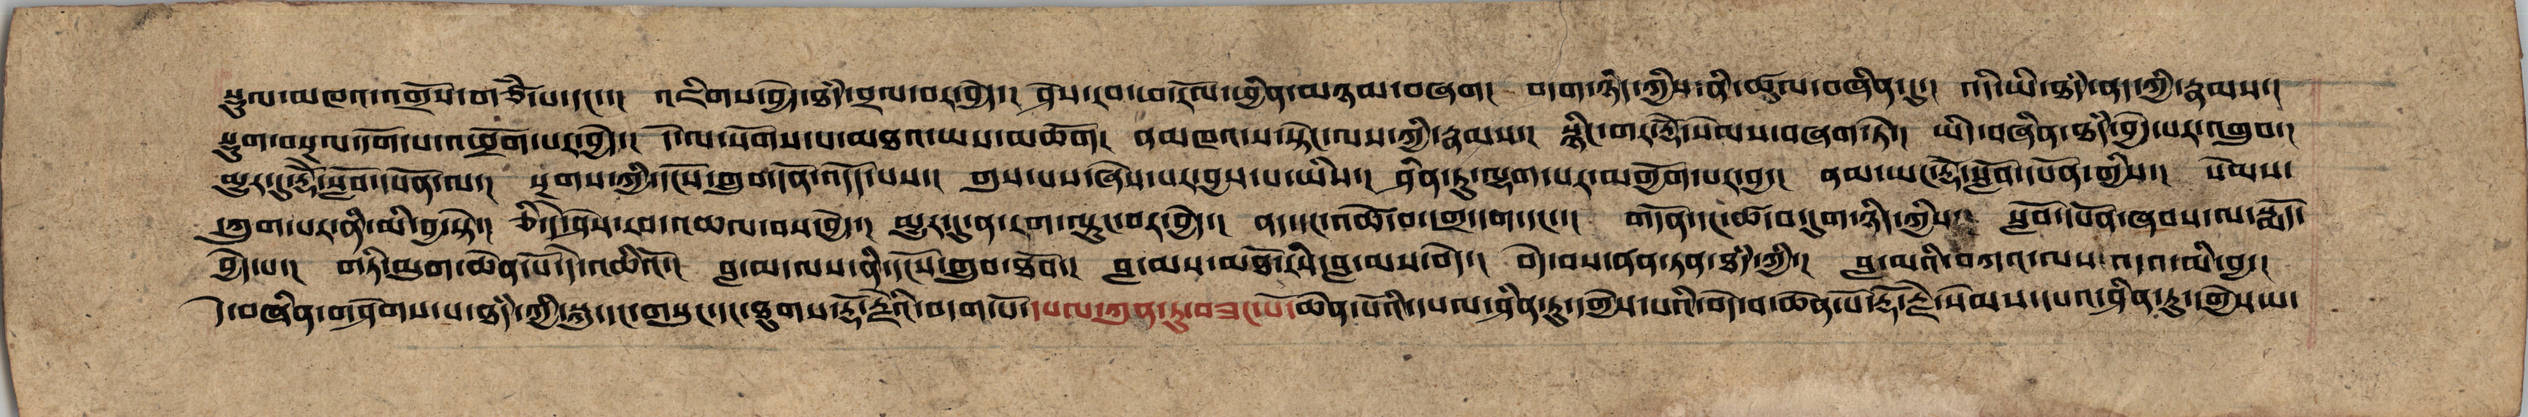སྡུལ་མཁའ་འགྲོས་གཙཾ་པ་དང་་། འཇིགས་བྱེད་ཐཾད་བྲལ་བར་བྱེད་། ཤེས་རབ་ཕ་རོལ་ཕྱིན་མཉམ་བཞག། བདག་ཉིད་ཀྱིས་ནི་ཚུལ་བཞིན་དུ་། འདི་ཡི་ཐཾད་ནད་ཀྱི་རྣམས་།
སྡུག་བསྔལ་དོག་པ་འཕྲོག་པར་བྱེད་། དེ་ལ་སོགས་པ་མཐའ་ཡས་མཆོག། ནམཁའ་ས་སྟེང་ལས་ཀྱི་རྣམས་། སྙིང་གར་རྡོེ་སེམས་བཞག་ཏེ་། ཡིད་བཞིན་ཐཾད་བྱེད་པར་འགྲུབ་།
མྱུར་དུ་རྡོེ་སློབ་དཔོན་ལ་། སྔགས་ཀྱི་དངོས་གྲུབ་དོན་འདོད་པས་། གུས་པས་ཞེས་པར་བྱས་པ་ཡིས་། ཤིན་ཏུ་ལྷག་པར་མགྱོག་པར་བྱ་། ནམ་ཡང་རྡོེ་སློབ་དཔོན་གྱིས་། སེམས་
དཀྲུག་པར་མི་བྱ་སྟེ་། ཅི་དེ་ཤེས་རབ་འཆལ་བས་བྱེད་། མྱུར་དུ་ན་རག་ལྟུང་བར་བྱེད་། ནད་དང་འཚེ་བ་དགྲ་དག་དང་་། གདོན་དང་ཚ་བ་དུག་ཉིད་ཀྱིས་། སློབ་དཔོན་ཞབས་ལ་སྨོད་
བྱེད་པ་། གཏི་མུག་ཆེན་པོ་དེ་འཆིའོ་། བླ་མ་ལས་ནི་དངོས་གྲུབ་ཐོབ་། བླ་མས་མཐོ་རིས་བླ་མས་བདེ་། བདེ་བས་ནན་ཏན་ཐཾད་ཀྱི་། བླ་མའི་བཀའ་ལས་འདའ་མི་བྱ་།
དེ་བཞིན་གཤེགས་པ་ཐཾད་ཀྱི་སྐུ་དང་གསུང་དང་ཐུགས་རྡོ་རྗེའི་བདག་པོ་དཔལ་ཀུན་ཏུ་བཟང་པོ་ཆེན་པོའི་དཔལ་ཤིན་ཏུ་དགྱེས་པའི་བདེ་བ་ཆེན་པོ་རྡོ་རྗེ་སེམས་དཔའ་ཤིན་ཏུ་དགྱེས་པ་